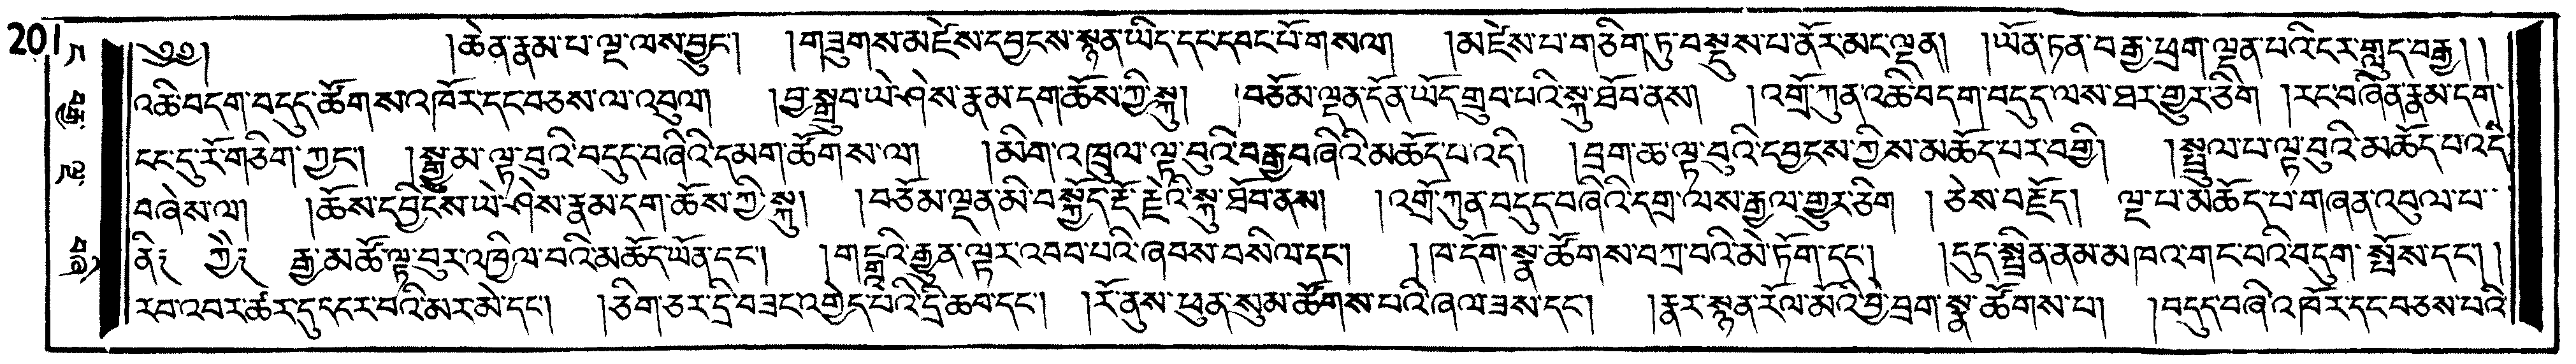༄༅། །ཆེན་རྣམ་པ་ལྔ་ལས་བྱུང་། །གཟུགས་མཛེས་དབྱངས་སྙན་ཡིད་དང་དབང་པོ་གསལ། །མཛེས་པ་གཅིག་ཏུ་བསྡུས་པ་ནོར་མང་ལྡན། །ཡོན་ཏན་བརྒྱ་ཕྲག་ལྡན་པའི་ངར་གླུད་བརྒྱ། །
འཆི་བདག་བདུད་ཚོགས་འཁོར་དང་བཅས་ལ་འབུལ། །བྱ་སྒྲུབ་ཡེ་ཤེས་རྣམ་དག་ཆོས་ཀྱི་སྐུ། །བཅོམ་ལྡན་དོན་ཡོད་གྲུབ་པའི་སྐུ་ཐོབ་ནས། །འགྲོ་ཀུན་འཆི་བདག་བདུད་ལས་ཐར་གྱུར་ཅིག །རང་བཞིན་རྣམ་དག་
ངང་དུ་རོ་གཅིག་ཀྱང་། །སྒྱུ་མ་ལྟ་བུའི་བདུད་བཞིའི་དམག་ཚོགས་ལ། །མིག་འཁྲུལ་ལྟ་བུའི་བརྒྱ་བཞིའི་མཆོད་པ་འདི། །བྲག་ཆ་ལྟ་བུའི་དབྱངས་ཀྱིས་མཆོད་པར་བགྱི། །སྤྲུལ་པ་ལྟ་བུའི་མཆོད་པ་འདི་
བཞེས་ལ། །ཆོས་དབྱིངས་ཡེ་ཤེས་རྣམ་དག་ཆོས་ཀྱི་སྐུ། །བཅོམ་ལྡན་མི་བསྐྱོད་རྡོ་རྗེའི་སྐུ་ཐོབ་ནས། །འགྲོ་ཀུན་བདུད་བཞིའི་དགྲ་ལས་རྒྱལ་གྱུར་ཅིག །ཅེས་བརྗོད། ལྔ་པ་མཆོད་པ་གཞན་འབུལ་པ་
ནི༑ ཀྱཻ༑ རྒྱ་མཚོ་ལྟ་བུར་འཁྱིལ་བའི་མཆོད་ཡོན་དང་། །གངྒཱའི་རྒྱུན་ལྟར་འབབ་པའི་ཞབས་བསིལ་དང་། །ཁ་དོག་སྣ་ཚོགས་བཀྲ་བའི་མེ་ཏོག་དང་། །དུད་སྤྲིན་ནམ་མཁའ་གང་བའི་བདུག་སྤོས་དང་། །
རབ་འབར་ཚར་དུ་དངར་བའི་མར་མེ་དང་། །ཅིག་ཅར་དྲི་བཟང་འགྱེད་པའི་དྲི་ཆབ་དང་། །རོ་ནུས་ཕུན་སུམ་ཚོགས་པའི་ཞལ་ཟས་དང་། །རྣར་སྙན་རོལ་མོའི་བྱེ་བྲག་སྣ་ཚོགས་པ། །བདུད་བཞི་འཁོར་དང་བཅས་པའི་